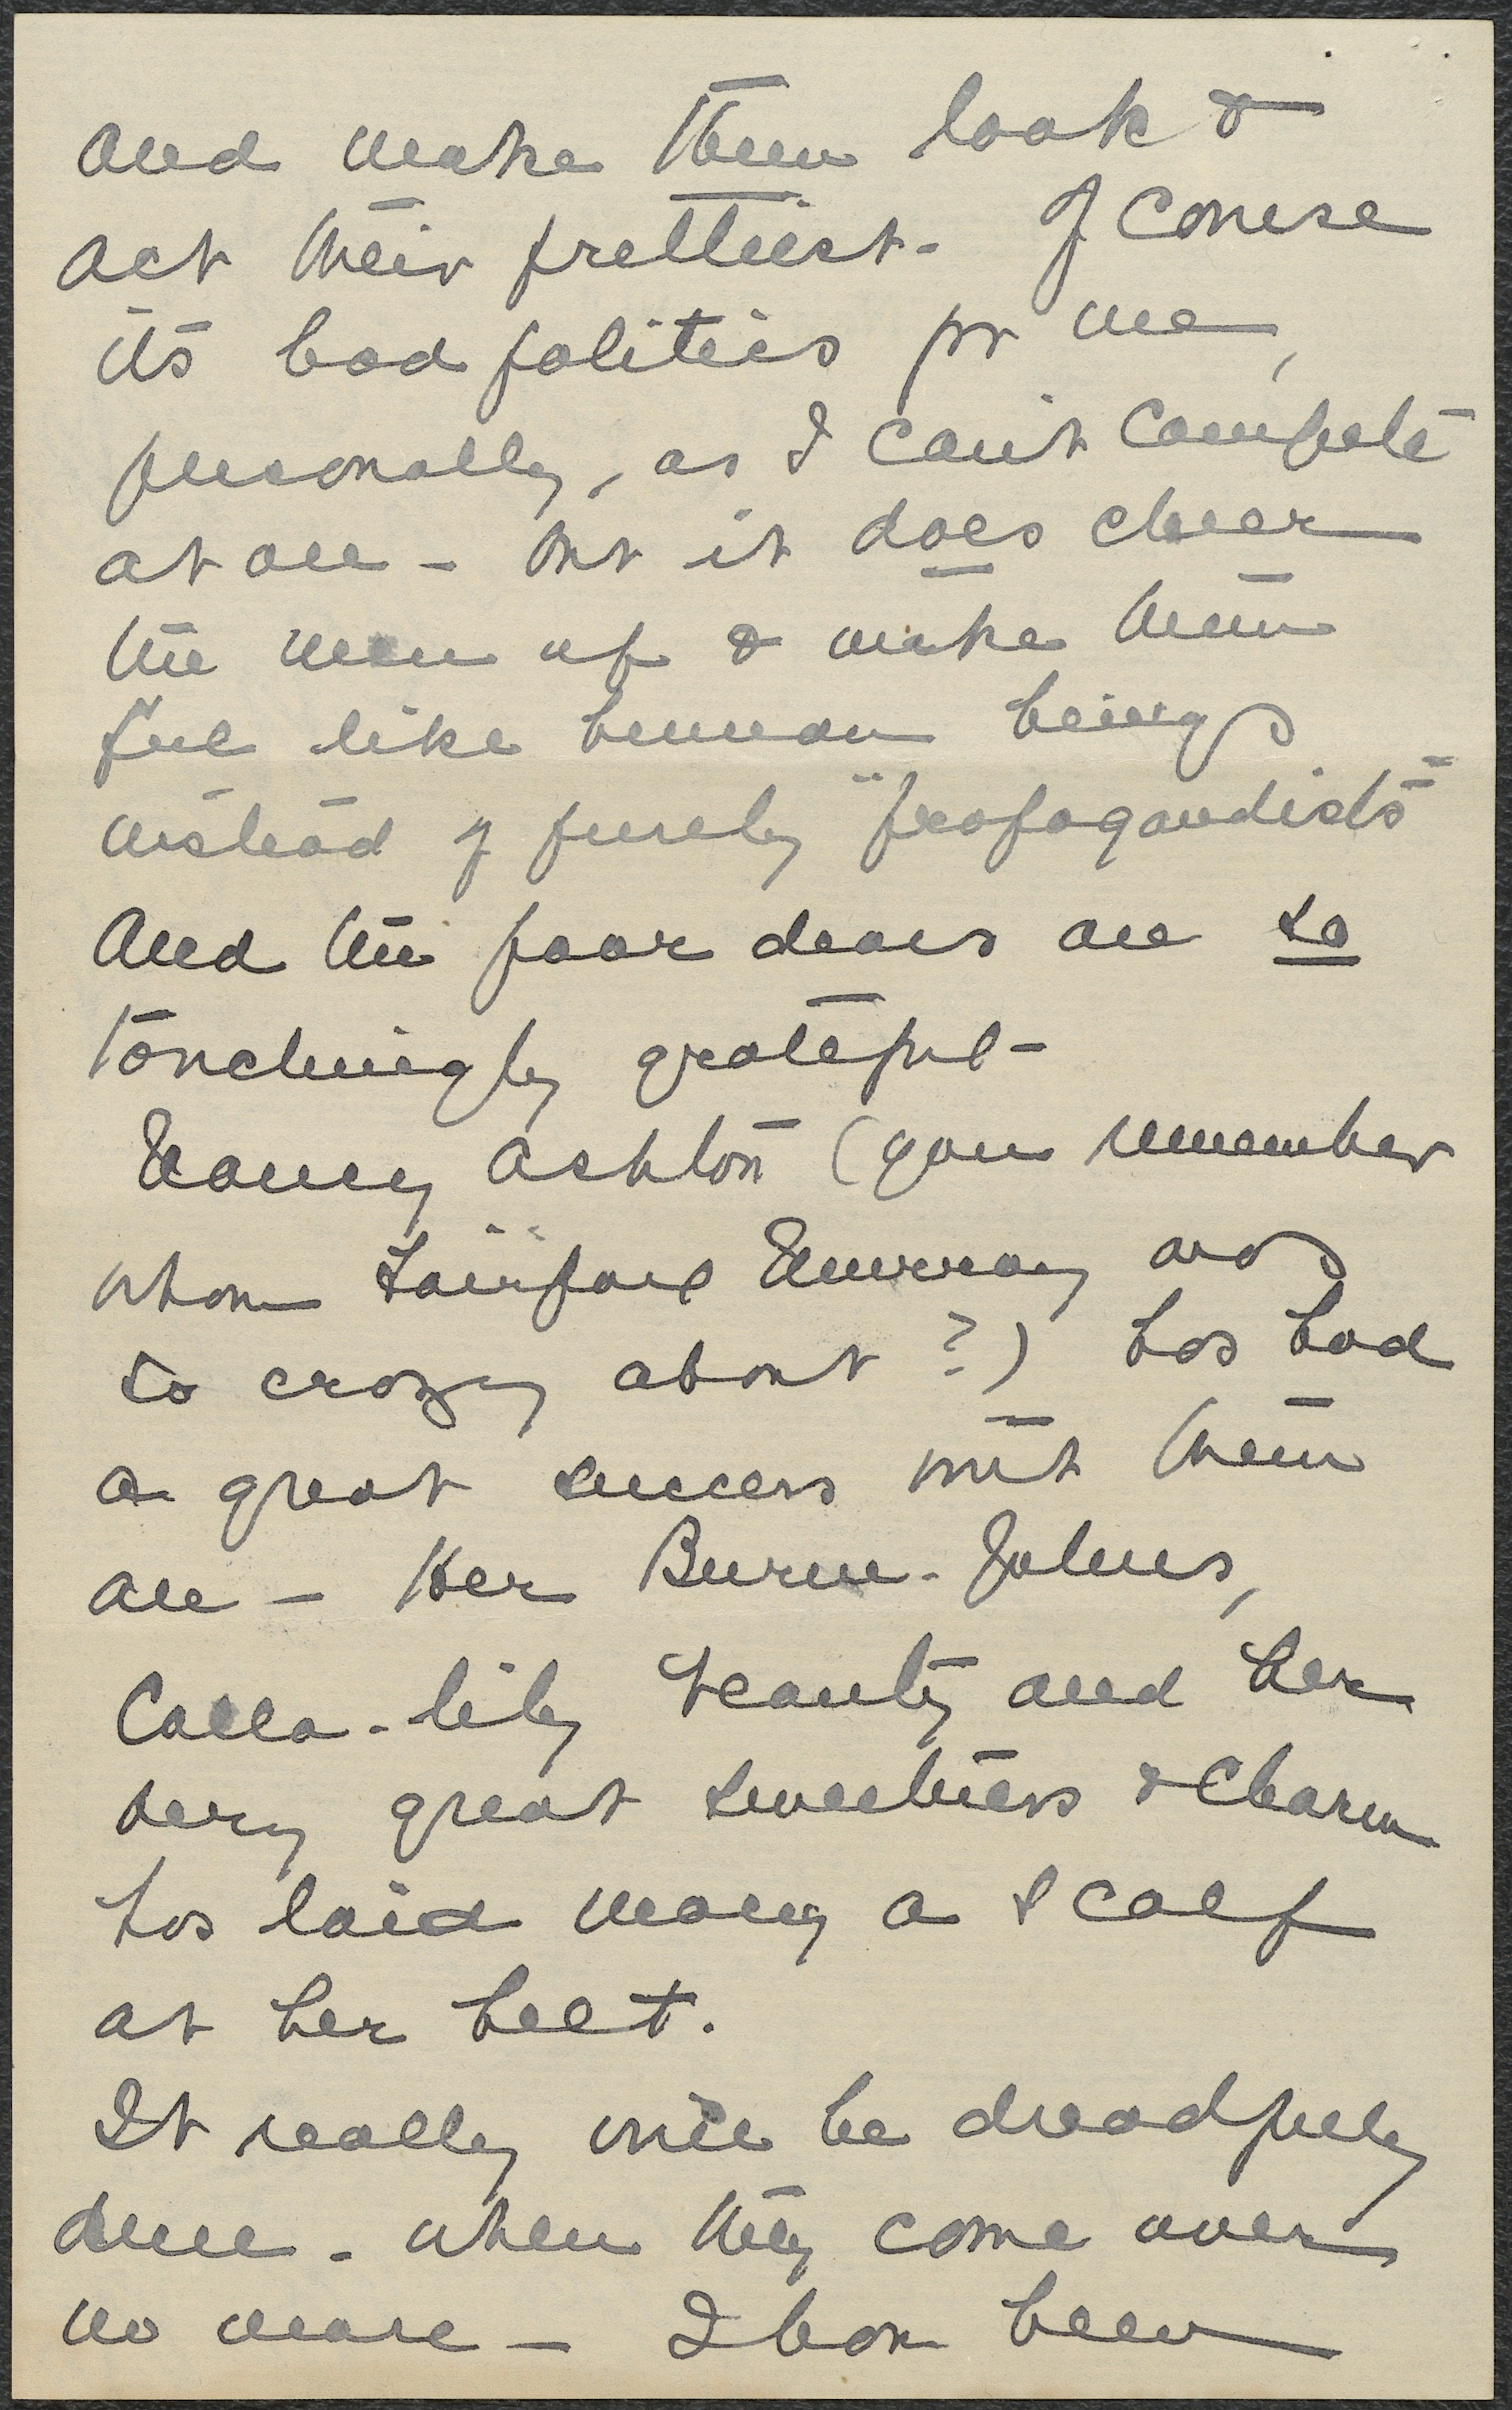and make them look & act their prettiest. Of course its bad politics for me, personally, as I can't compete at all – But it does cheer the men up & make them feel like human beings instead of purely "propogandists" and the poor dears are so touchingly grateful –
Nancy Ashton (you remember whom Fairfax Murray was so crazy about?) has had a great success with them all – Her Burne-Jones calla-lily beauty and her very great sweetness & charm has laid many a scalp at her feet.
It really will be dreadfully dull – When they come over no more – I have been